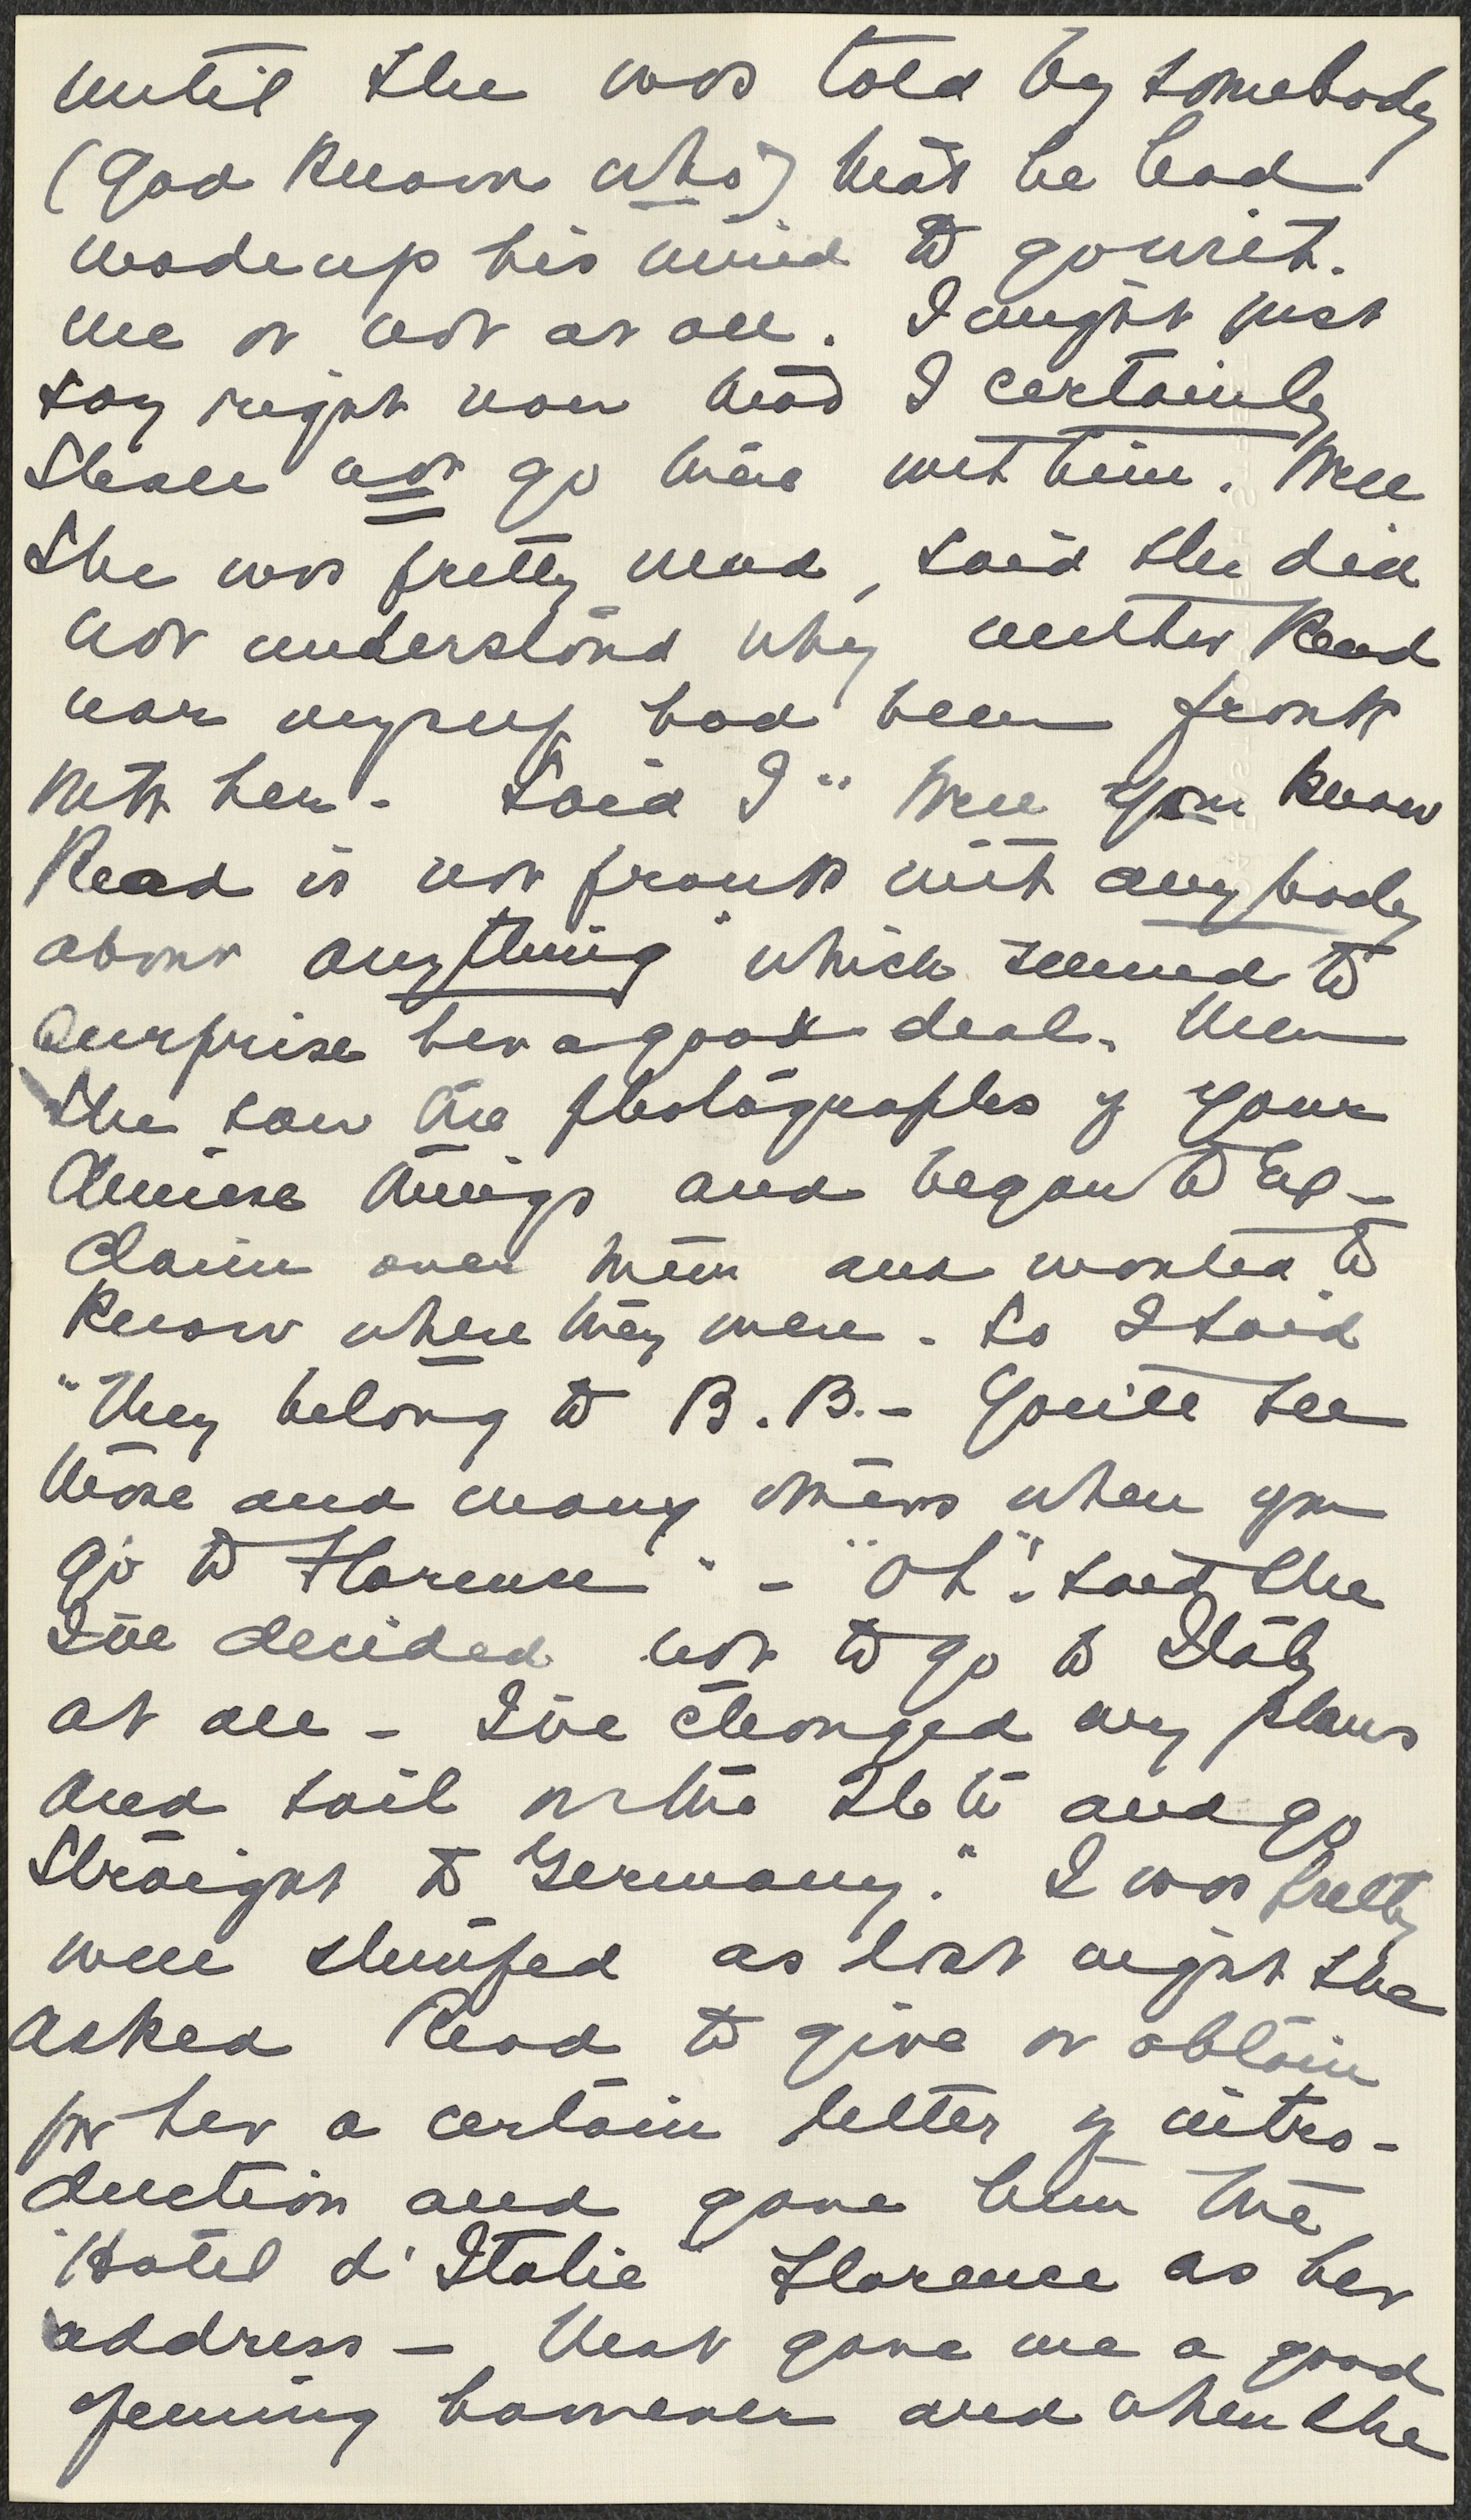until she was told by somebody (God knows who) that he had made up his mind to go with me or not at all. I might just say right now that I certainly shall [double underlined twice: not] go there with him. Well she was pretty mad, said she did not understand why neither Read nor myself had been frank with her. Said I "Well you know Read is not frank with anybody about anything" which seemed to surprise her a good deal. Then she saw the photographs of your Chinese things and began to exclaim over them and wanted to know where they were – so I said "They belong to B.B. – You'll see those and many others when you go to Florence" – "Oh!" said she I've decided not to go to Italy at all – I've changed my plans and sail on the 26th and go straight to Germany." I was pretty well stumped as last night she asked Read to give or obtain for her a certain letter of introduction and gave him the "Hotel d'Italie” Florence as her address – That gave me a good opening however and when she